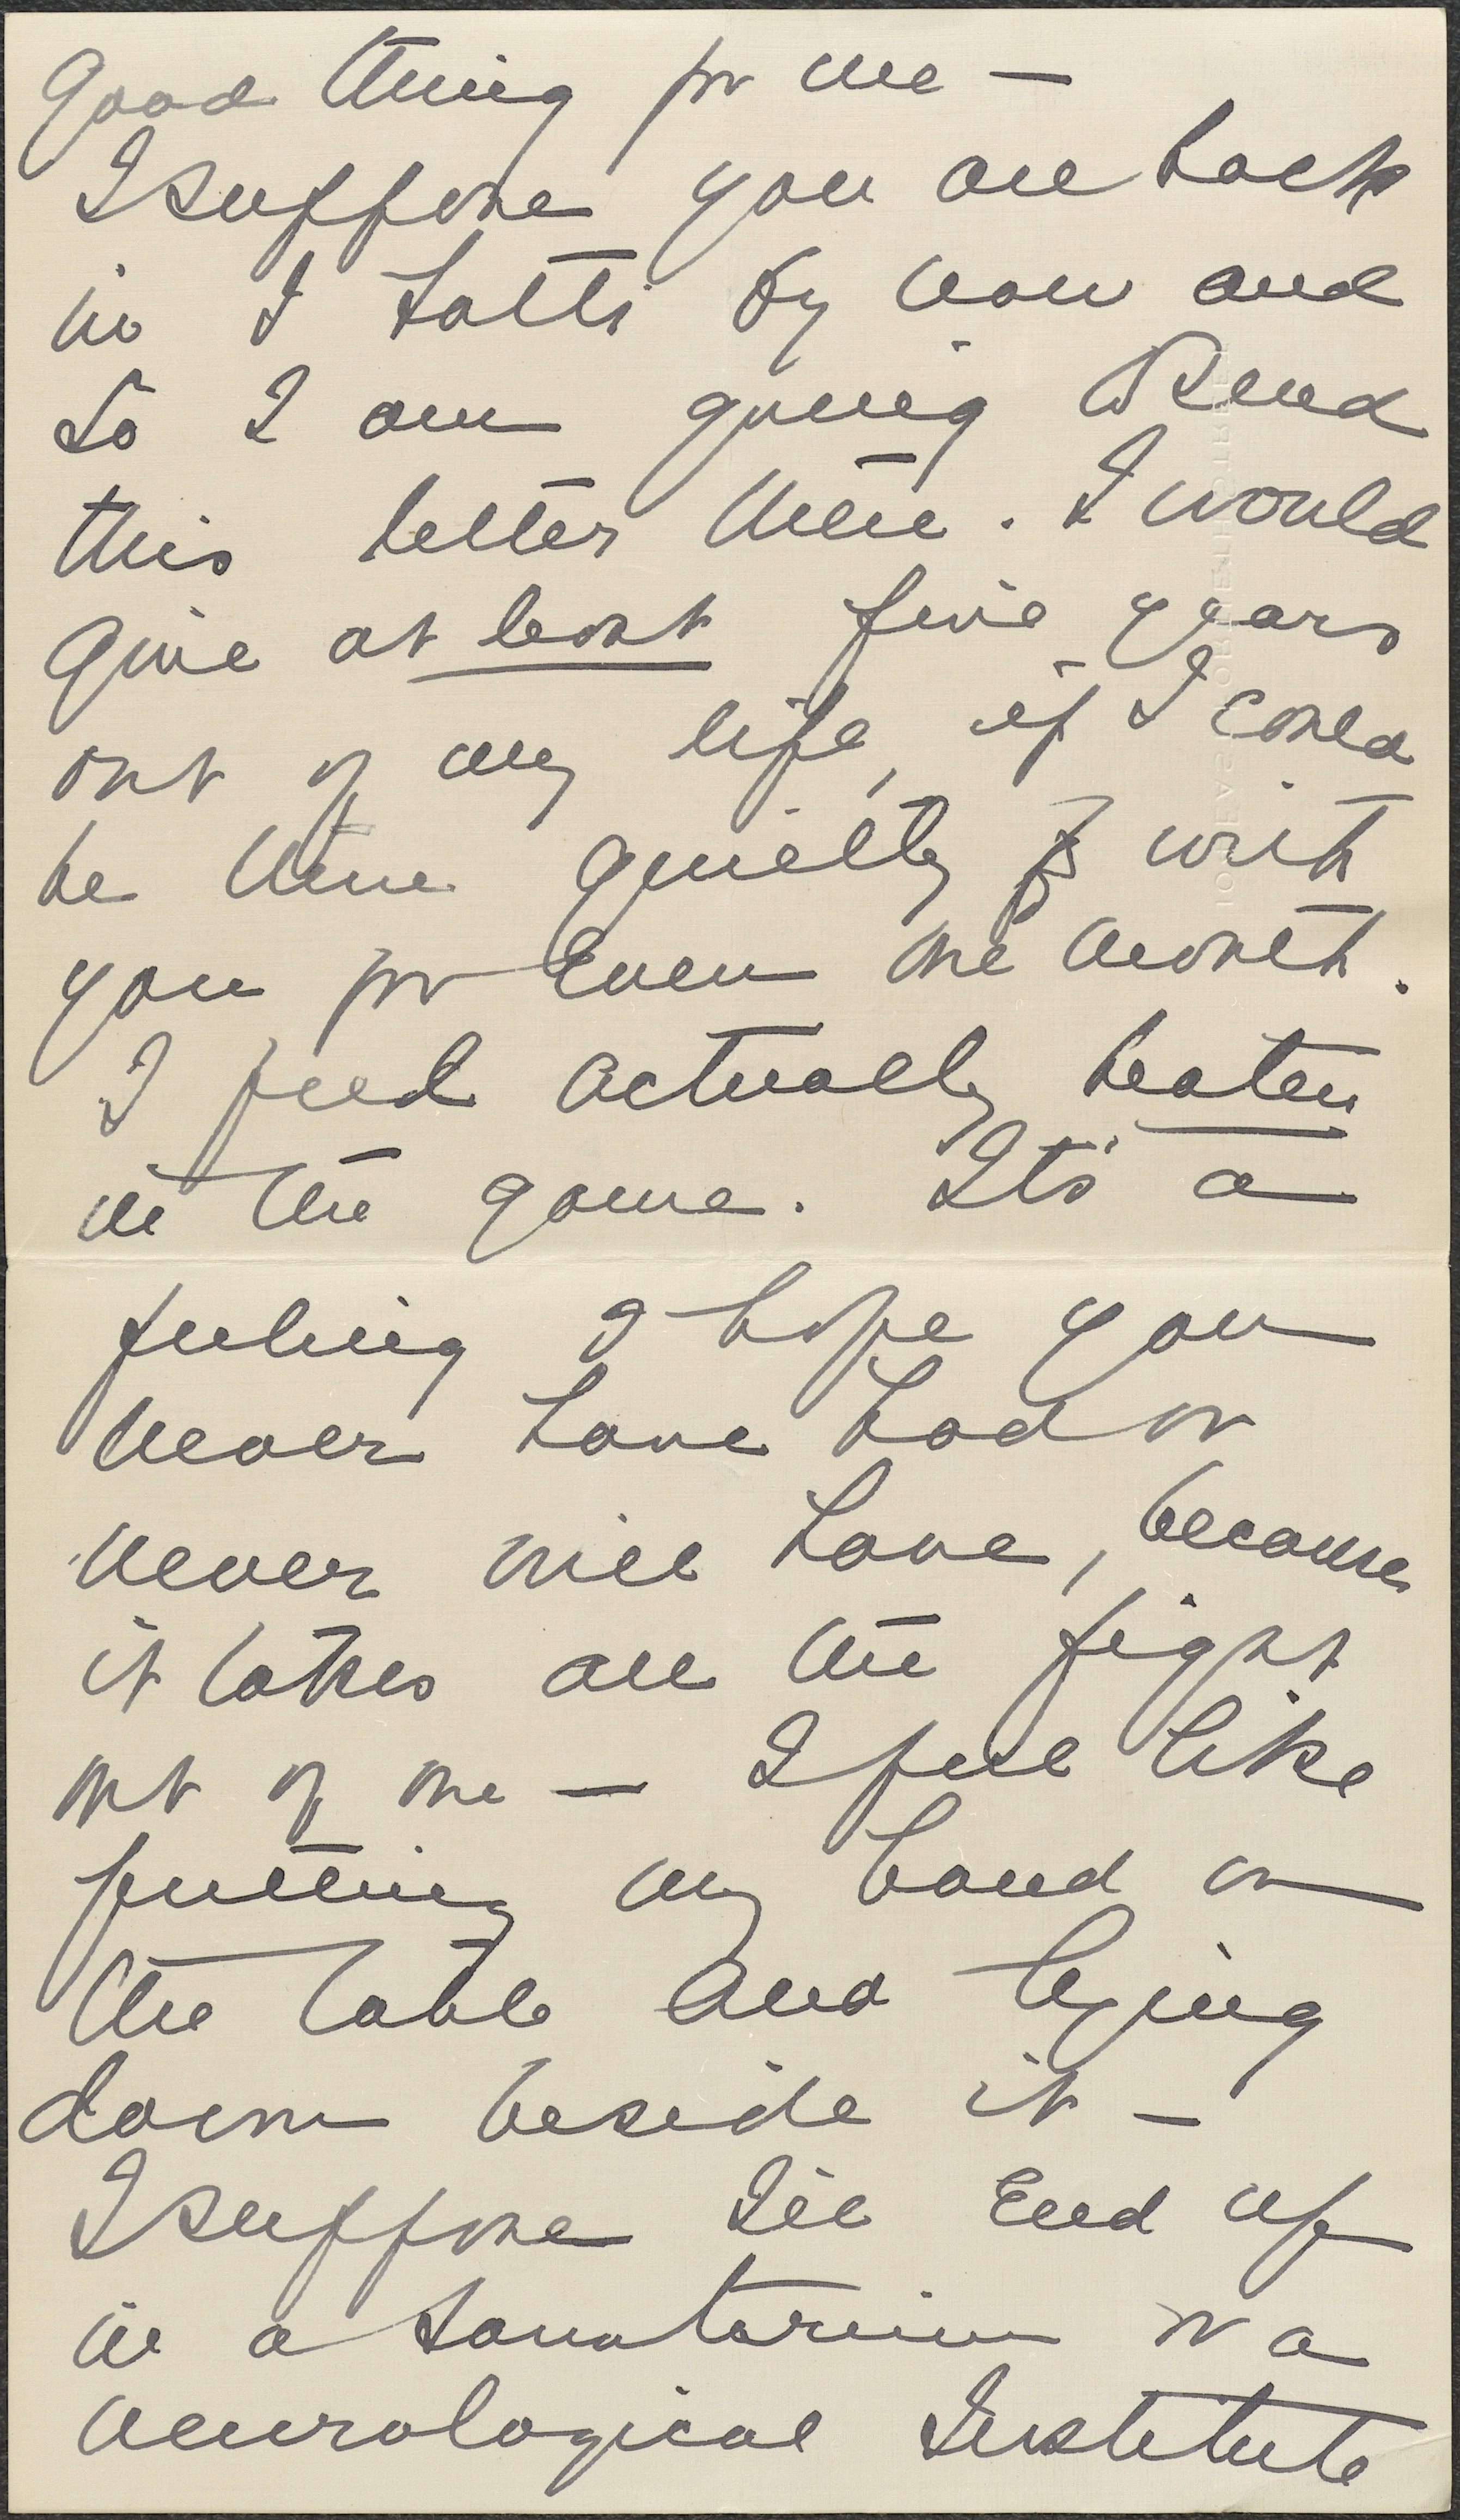good thing for me –
I suppose you are back in I Tatti by now and so I am going to send this letter there. I would give at least five years out of my life, if I could be there quietly f with you for even one month. I feel actually beaten in the game. It’s a feeling I hope you never have had or never will have, because it takes all the fight out of me – I feel like putting my hand on the table and lying down beside it – I suppose I’ll end up in a sanatorium or a neurological institute